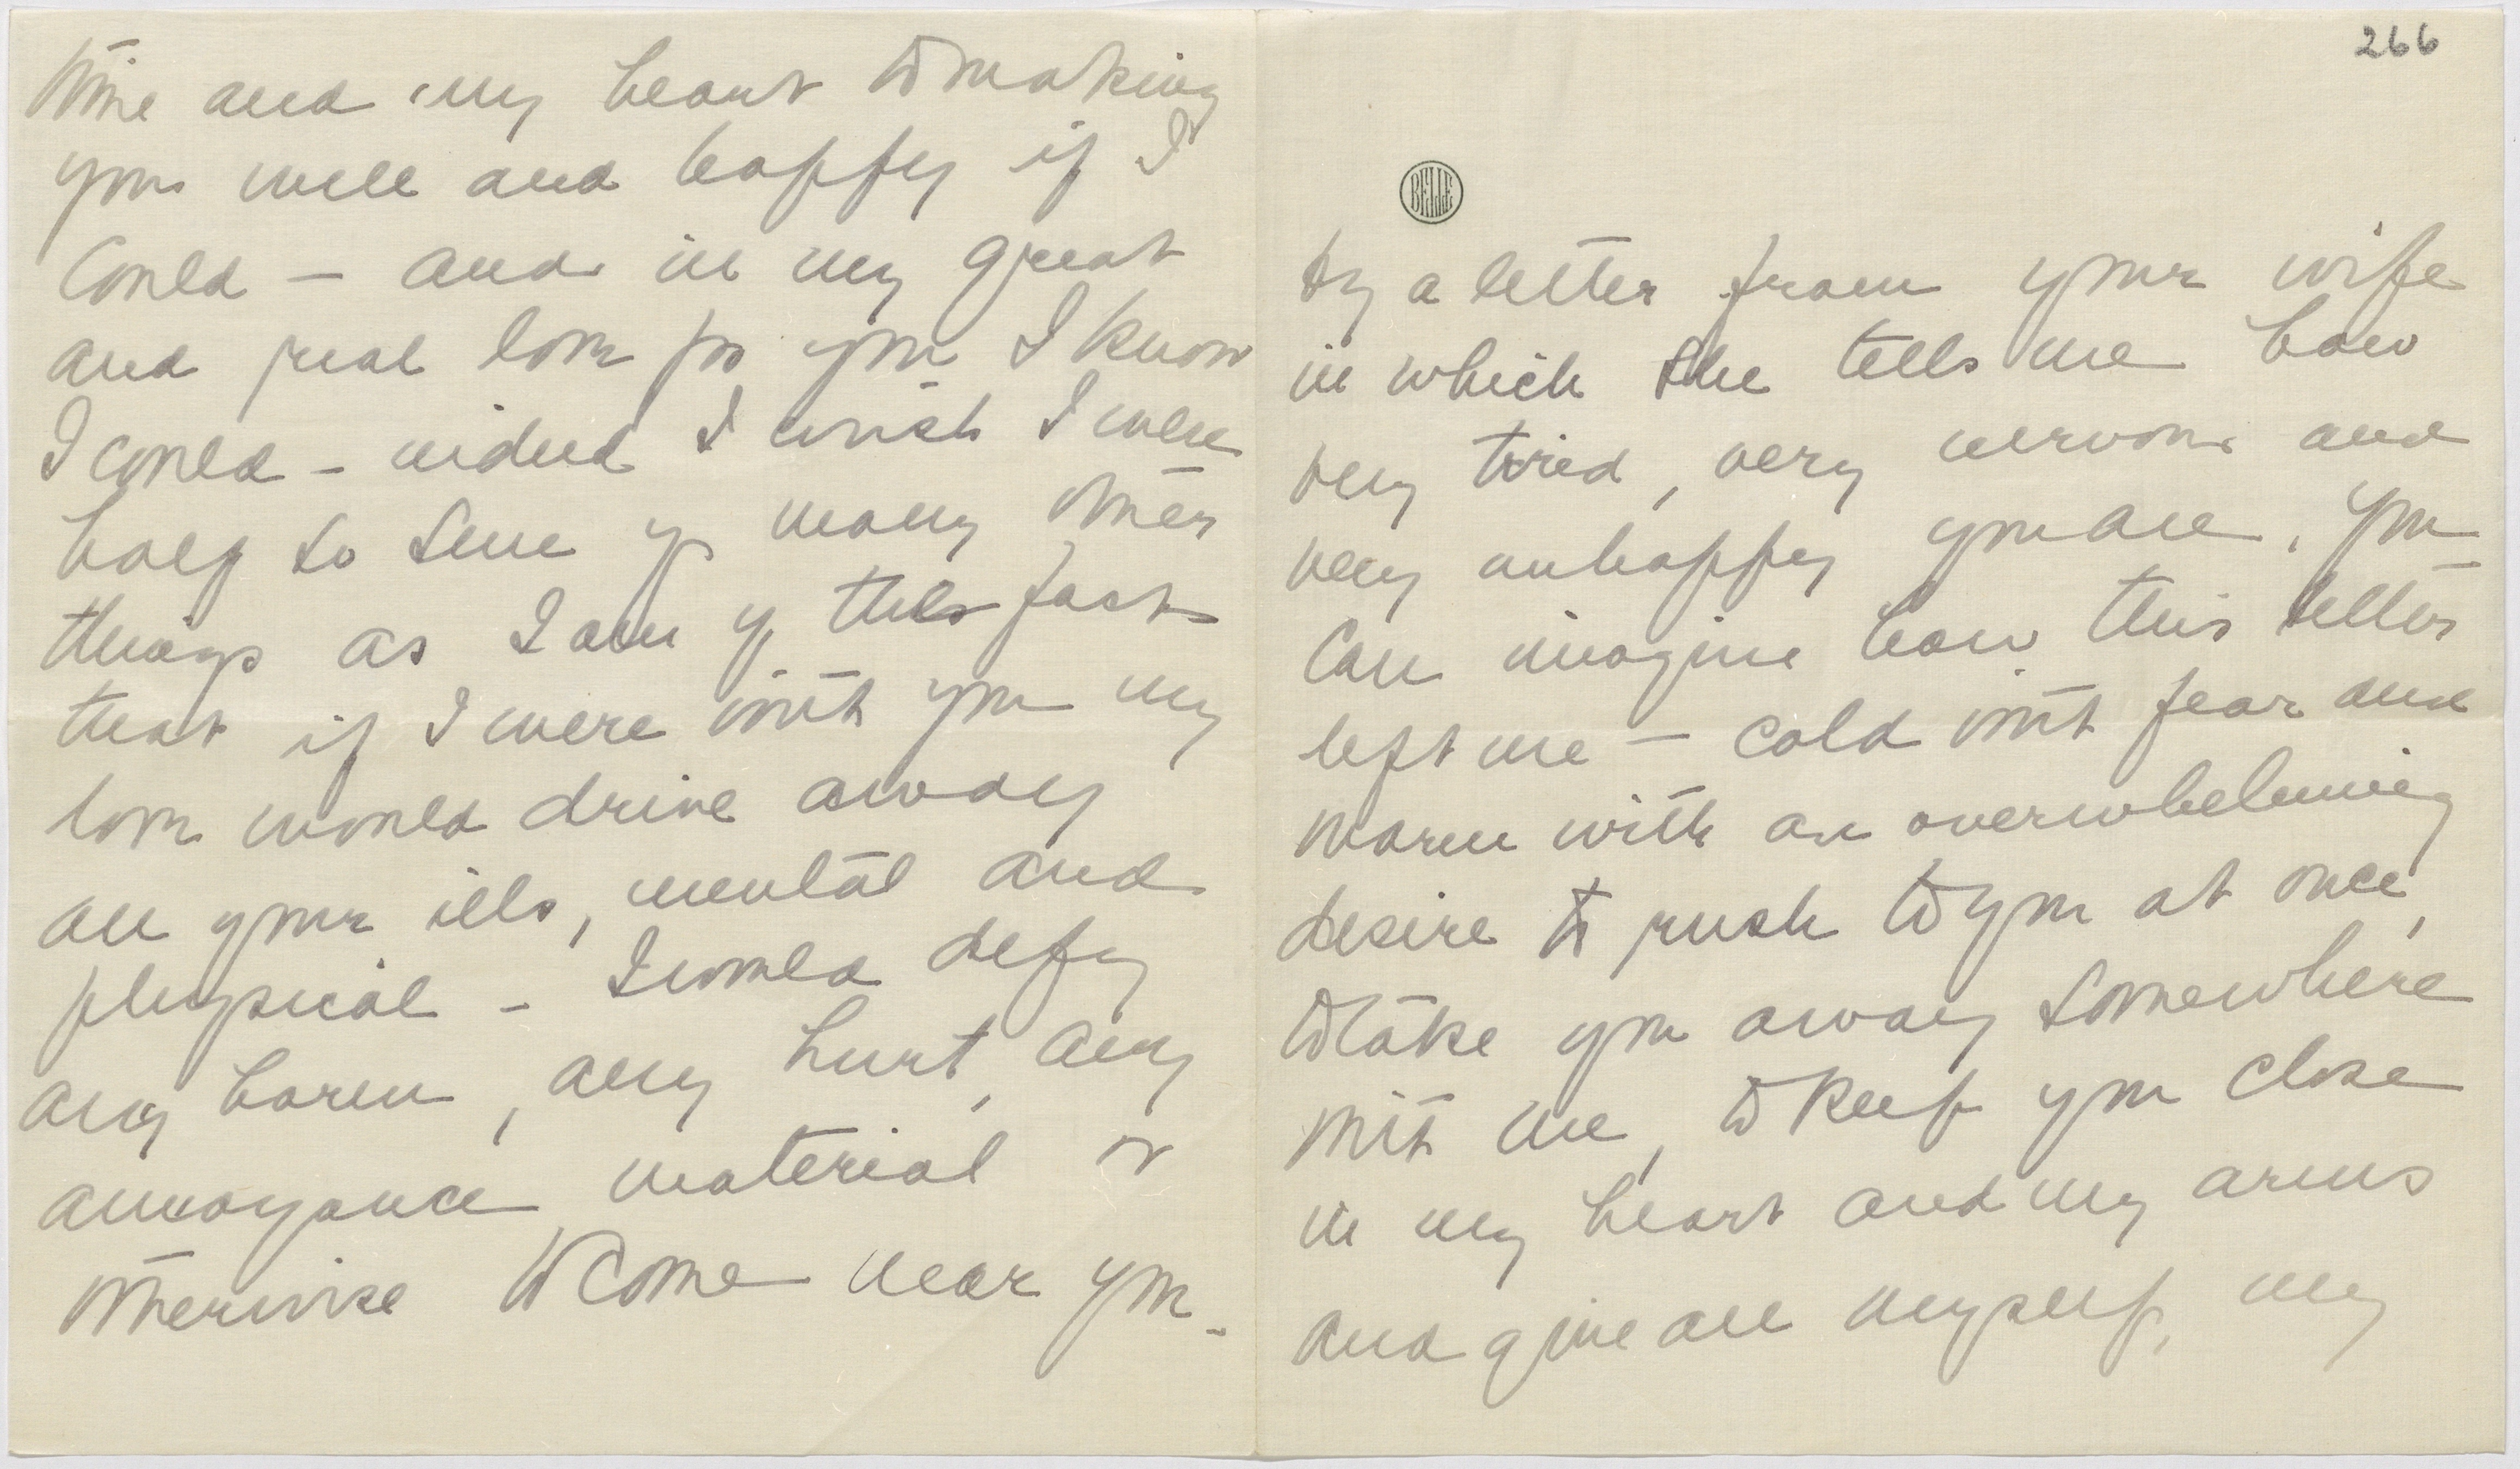by a letter from your wife in which she tells me how very tired, very nervous and very unhappy you are. You can imagine how this letter left me – cold with fear and warm with an overwhelming desire to rush to you at once, to take you away somewhere with me, to keep you close in my heart and my arms and give all myself, my
time and my heart to making you well and happy if I could – and in my great and real love for you I know I could – indeed I wish I were half so sure of many other things as I am of the fact that if I were with you my love would drive away all your ills, mental and physical – I would defy any harm, any hurt, any annoyance material or otherwise to come near you –